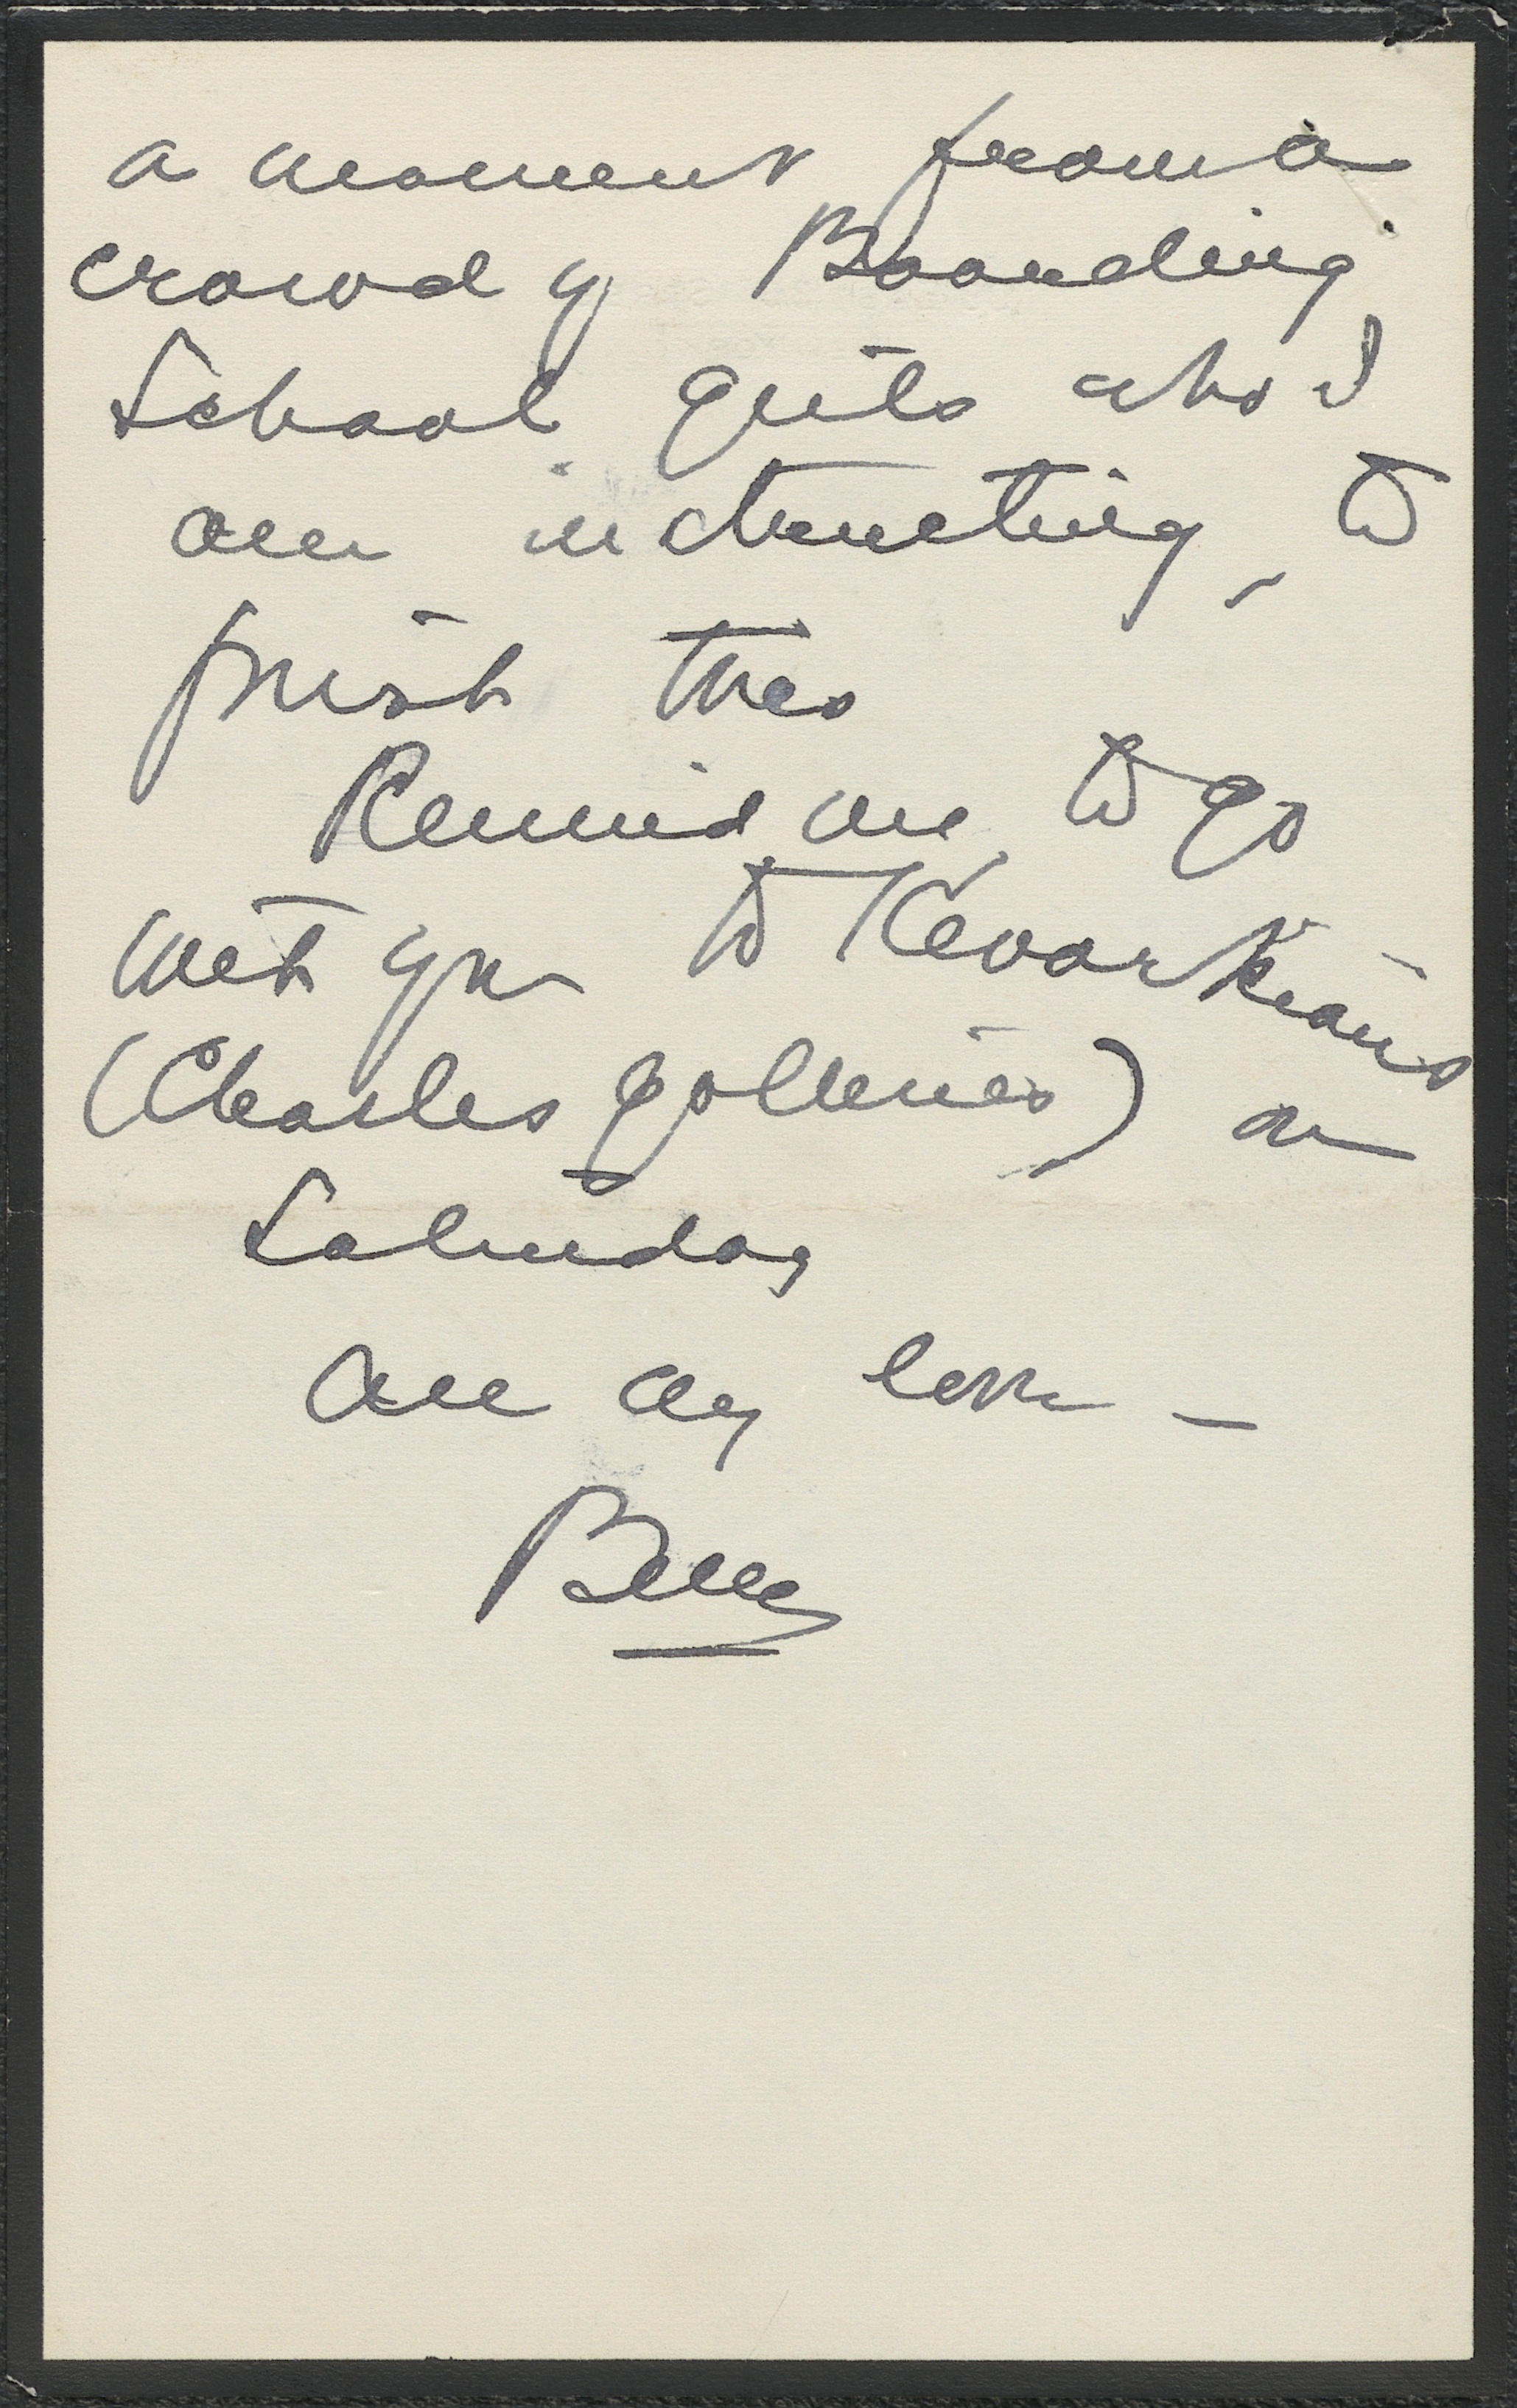a moment from a crowd of Boarding School girls who I am instructing, to finish this
Remind me to go with you to Kevorkian’s (Charles galleries) on Saturday
All my love –
Belle